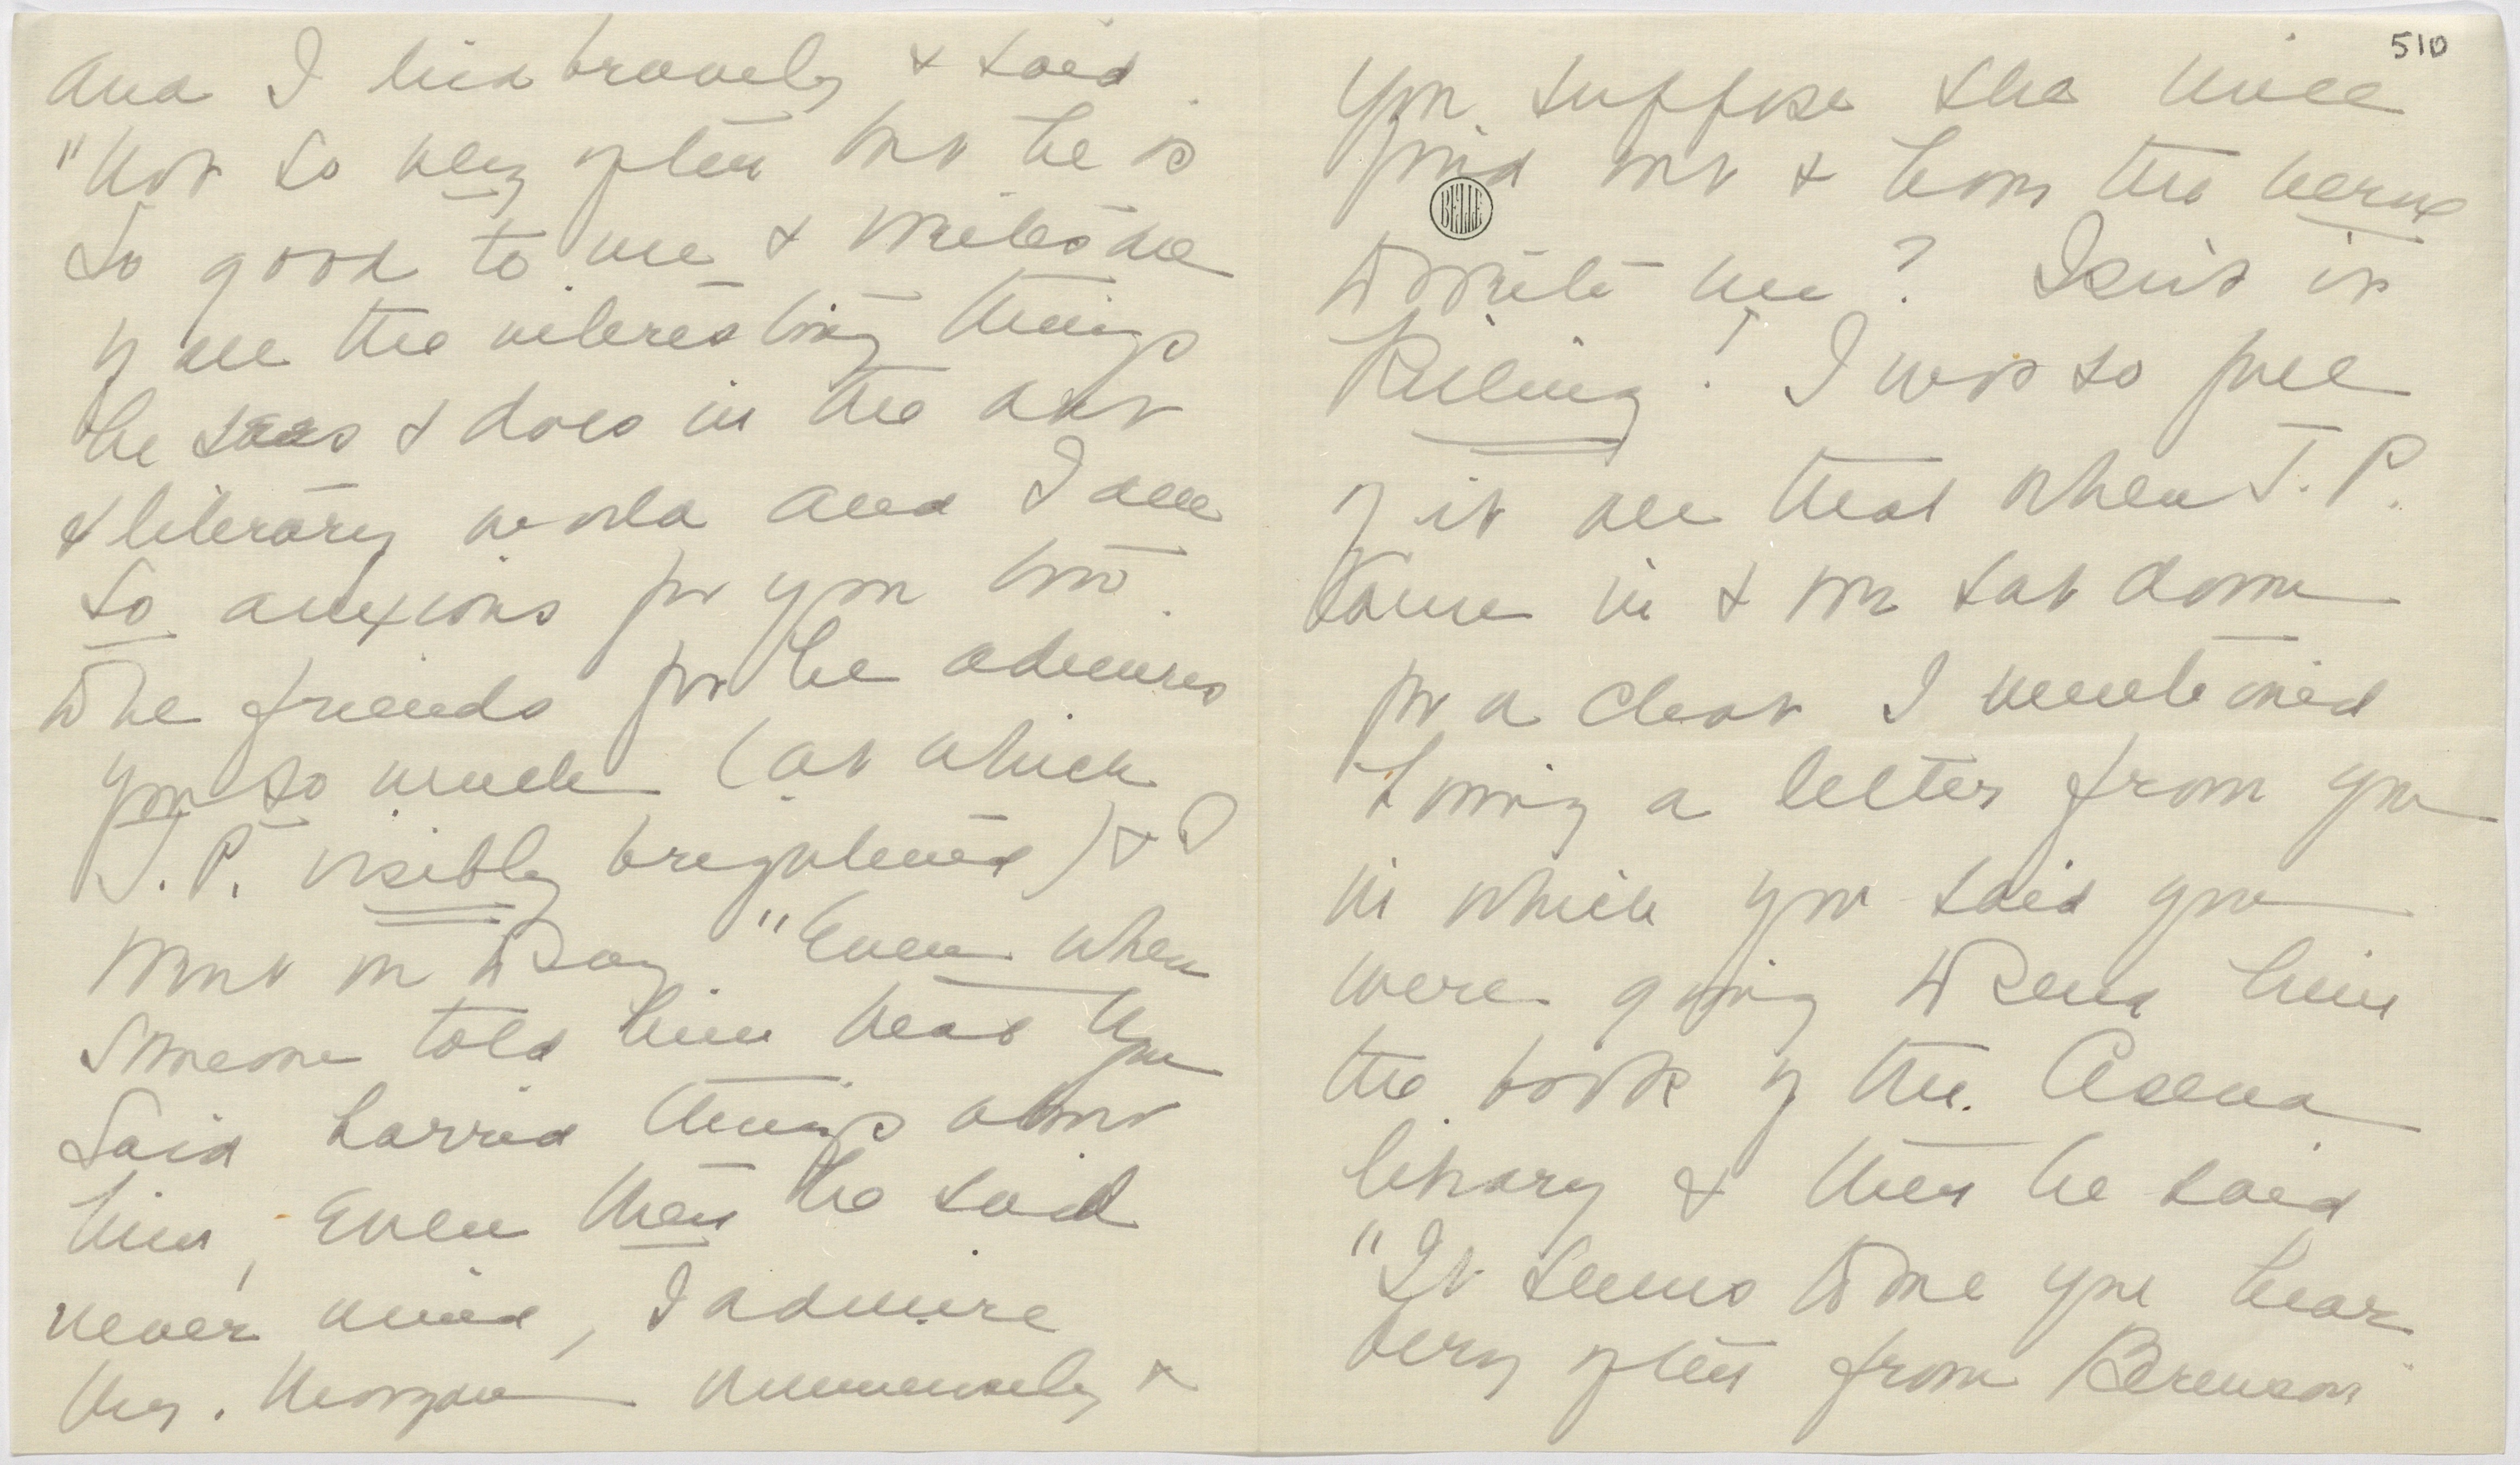you suppose she will find out & have the nerve to write me? Isn’t it [double underlined: killing]? I was so full of it all that when J. P. came in & we sat down for a chat I mentioned having a letter from you in which you said you were going to send him the book of the Cesena library & then he said “It seems to me you hear very often from Berenson
and I lied bravely & said “Not so very often but he is so good to me & writes me of all the interesting things he sees & does in the art & literary world and I am so anxious for you two to be friends for he admires you so much (at which J. P. [double underlined: visibly] brightened) & I went on to say “Even when someone told him that you said horrid things about him, even then he said never mind, I admire Mr. Morgan immensely &